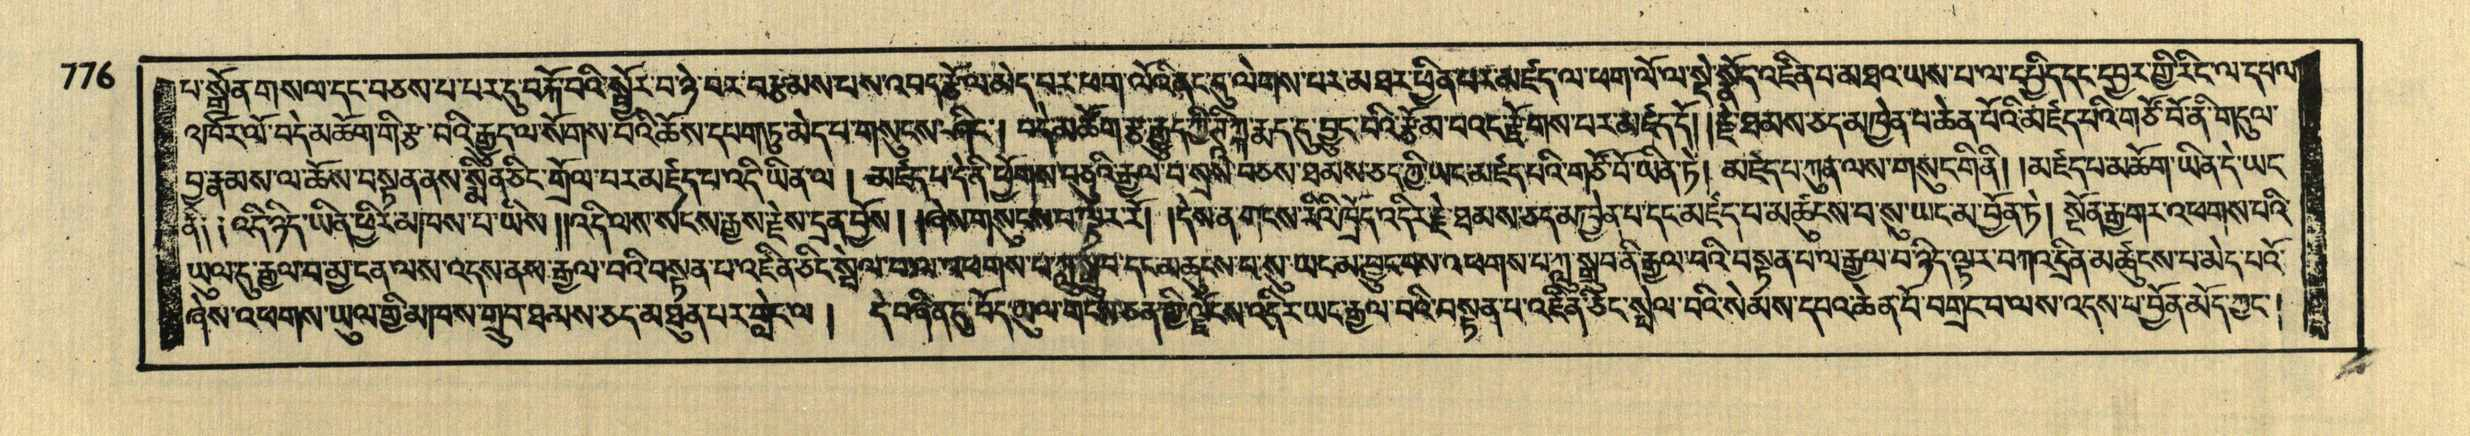པ་སྒྲོན་གསལ་དང་བཅས་པ་པར་དུ་བརྐོ་བའི་སྦྱོར་བ་ཉེ་བར་བརྩམས་པས་འབད་རྩོལ་མེད་པར་ཕག་ལོའི་ནང་དུ་ལེགས་པར་མཐར་ཕྱིན་པར་མཛད་ལ་ཕག་ལོ་ལ་སྡེ་སྣོད་འཛིན་བ་མཐའ་ཡས་པ་ལ་དཔྱིད་དང་དབྱར་གྱི་རིང་ལ་དཔལ་
འཁོར་ལོ་བདེ་མཆོག་གི་རྩ་བའི་རྒྱུད་ལ་སོགས་པའི་ཆོས་དཔག་ཏུ་མེད་པ་གསུངས་ཤིང་། བདེ་མཆོག་རྩ་རྒྱུད་ཀྱི་ཊཱིཀྐ་རྨད་དུ་བྱུང་བའི་རྩོམ་པའང་རྫོགས་པར་མཛད་དོ། །རྗེ་ཐམས་ཅད་མཁྱེན་པ་ཆེན་པོའི་མཛད་པའི་གཙོ་བོ་ནི་གདུལ་
བྱ་རྣམས་ལ་ཆོས་བསྟན་ནས་སྨིན་ཅིང་གྲོལ་བར་མཛད་པ་འདི་ཡིན་ལ། མཛད་པ་དེ་ནི་ཕྱོགས་བཅུའི་རྒྱལ་བ་སྲས་བཅས་ཐམས་ཅད་ཀྱི་ཡང་མཛད་པའི་གཙོ་བོ་ཡིན་ཏེ། མཛད་པ་ཀུན་ལས་གསུང་གི་ནི། །མཛད་པ་མཆོག་ཡིན་དེ་ཡང་
ནི༑ ༑འདི་ཉིད་ཡིན་ཕྱིར་མཁས་པ་ཡིས། །འདི་ལས་སངས་རྒྱས་རྗེས་དྲན་བྱོས། །ཞེས་གསུངས་པ་ལྟར་རོ། །དེས་ན་གངས་རིའི་ཁྲོད་འདིར་རྗེ་ཐམས་ཅད་མཁྱེན་པ་དང་མཛད་པ་མཚུངས་པ་སུ་ཡང་མ་བྱོན་ཏེ། སྔོན་རྒྱ་གར་འཕགས་པའི་
ཡུལ་དུ་རྒྱལ་བ་མྱ་ངན་ལས་འདས་ནས་རྒྱལ་བའི་བསྟན་པ་འཛིན་ཅིང་སྤེལ་བ་ལ་འཕགས་པ་ཀླུ་སྒྲུབ་དང་མཆུངས་པ་སུ་ཡང་མ་བྱུང་བས་འཕགས་པ་ཀླུ་སྒྲུབ་ནི་རྒྱལ་བའི་བསྟན་པ་ལ་རྒྱལ་བ་ཉིད་ལྟར་བཀའ་དྲིན་མཚུངས་པ་མེད་པའོ་
ཞེས་འཕགས་ཡུལ་གྱི་མཁས་གྲུབ་ཐམས་ཅད་མཐུན་པར་གླེང་ལ། དེ་བཞིན་དུ་བོད་ཡུལ་གངས་ཅན་གྱི་ལྗོངས་འདིར་ཡང་རྒྱལ་བའི་བསྟན་པ་འཛིན་ཅིང་སྤེལ་བའི་སེམས་དཔའ་ཆེན་པོ་བགྲང་བ་ལས་འདས་པ་བྱོན་མོད་ཀྱང་།